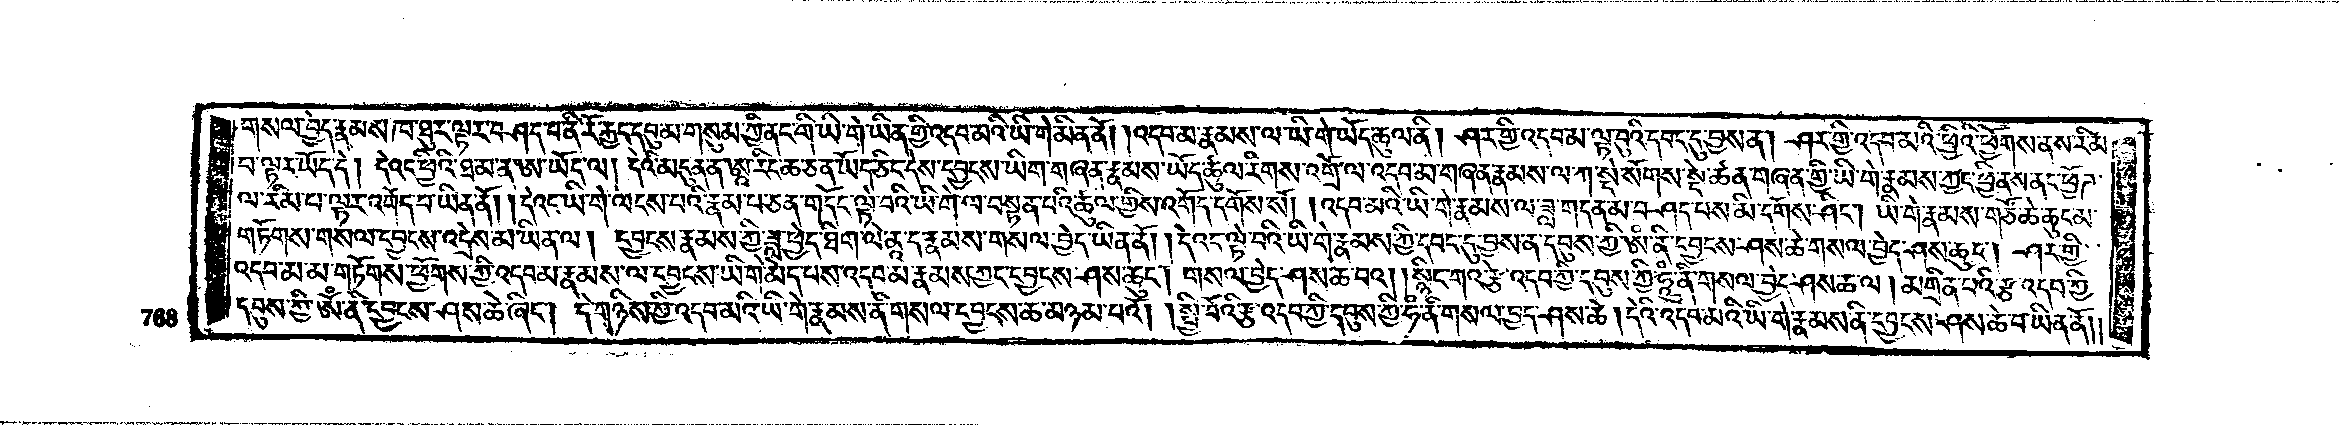གསལ་བྱེད་རྣམས་ཁ་ཐུར་ལྟར་བཤད་པ་ནི་རོ་རྐྱང་དབུ་མ་གསུམ་གྱི་ནང་གི་ཡི་གེ་ཡིན་གྱི་འདབ་མའི་ཡི་གེ་མིན་ནོ། །འདབ་མ་རྣམས་ལ་ཡི་གེ་ཡོད་ཚུལ་ནི། ཤར་གྱི་འདབ་མ་ལྟ་བུའི་དབང་དུ་བྱས་ན། ཤར་གྱི་འདབ་མའི་ཕྱིའི་ཕྱོགས་ནས་རིམ་
པ་ལྟར་ཡོད་དེ། དེའང་ཕྱིའི་ཐ་མ་ན་ཨ་ཡོད་ལ། དེའི་མདུན་ན་ཨཱ་རིང་ཆ་ཅན་ཡོད་ཅིང་དེས་དབྱངས་ཡིག་གཞན་རྣམས་ཡོད་ཚུལ་རིགས་འགྲོ་ལ་འདབ་མ་གཞན་རྣམས་ལ་ཀ་སྡེ་སོགས་སྡེ་ཚན་གཞན་གྱི་ཡི་གེ་རྣམས་ཀྱང་ཕྱི་ནས་ནང་ཕྱོགས་
ལ་རིམ་པ་ལྟར་འགོད་པ་ཡིན་ནོ། །དེའང་ཡི་གེ་ལངས་པའི་རྣམ་པ་ཅན་གདོང་ལྟེ་བའི་ཡི་གེ་ལ་བསྟན་པའི་ཚུལ་གྱིས་འགོད་དགོས་སོ། །འདབ་མའི་ཡི་གེ་རྣམས་ལ་ཟླ་གདན་མ་བཤད་པས་མི་དགོས་ཤིང་། ཡི་གེ་རྣམས་གཙོ་ཆེ་ཆུང་མ་
གཏོགས་གསལ་དབྱངས་འདྲིས་མ་ཡིན་ལ། དབྱངས་རྣམས་ཀྱི་ཟླ་ཕྱེད་ཐིག་ལེ་ནཱ་དེ་རྣམས་གསལ་བྱེད་ཡིན་ནོ། །དེའང་ལྟེ་བའི་ཡི་གེ་རྣམས་ཀྱི་དབང་དུ་བྱས་ན་དབུས་ཀྱི་ཨཾ་ནི་དབྱངས་ཤས་ཆེ་གསལ་བྱེད་ཤས་ཆུང་། ཤར་གྱི་
འདབ་མ་མ་གཏོགས་ཕྱོགས་ཀྱི་འདབ་མ་རྣམས་ལ་དབྱངས་ཡིག་མེད་པས་འདབ་མ་རྣམས་ཀྱང་དབྱངས་ཤེས་ཆུང་། གསལ་བྱེད་ཤས་ཆེ་བའོ། །སྙིང་གའི་རྩ་འདབ་ཀྱི་དབུས་ཀྱི་ཧཱུཾ་ནི་གསལ་བྱེད་ཤས་ཆ་ལ། མགྲིན་པའི་རྩ་འདབ་ཀྱི་
དབུས་ཀྱི་ཨོཾ་ནི་དབྱངས་ཤས་ཆེ་ཞིང་། དེ་གཉིས་ཀྱི་འདབ་མའི་ཡི་གེ་རྣམས་ནི་གསལ་དབྱངས་ཆ་མཉམ་པའོ། །སྤྱི་བོའི་རྩ་འདབ་ཀྱི་དབུས་ཀྱི་ཧཾ་ནི་གསལ་བྱེད་ཤས་ཆེ། དེའི་འདབ་མའི་ཡི་གེ་རྣམས་ནི་དབྱངས་ཤས་ཆེ་བ་ཡིན་ནོ། །